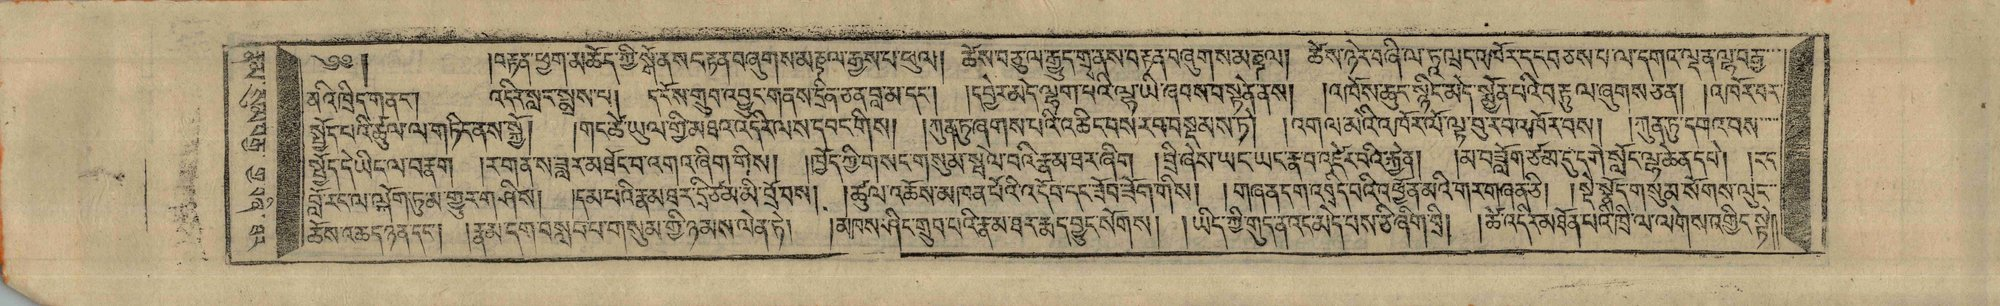༄༅། །བརྟན་ཕྱག་མཆོད་ཀྱི་སྒོ་ནས་བརྟན་བཞུགས་མཎྜལ་རྒྱས་པ་ཕུལ། ཚེས་བཅུ་ལ་རྒྱུད་གྲྭ་ནས་བརྟན་བཞུགས་མཎྜལ། ཚེས་ཉེར་བཞི་ལ་ཏཱ་ཝང་འཁོར་དང་བཅས་པ་ལ་དགའ་ལྡན་ལྷ་བརྒྱ་
མའི་ཁྲིད་གནང་། འདིར་སླར་སྨྲས་པ། དངོས་གྲུབ་འབྱུང་གནས་དྲིན་ཅན་བླ་མ་དང་། །དབྱེར་མེད་ལྷག་པའི་ལྷ་ཡི་ཞབས་བསྟེན་ནས། །འཁོས་ཆུང་སྙིང་མེད་སྨྱོན་པའི་བརྟུལ་ཞུགས་ཅན། །འཁོར་བར་
སྤྱོད་པའི་ཚུལ་ལ་གཏིང་ནས་སྐྱོ། །གང་ཚེ་ཡུལ་གྱི་མཐའ་འདིར་ལས་དབང་གིས། །ཀུན་ཏུ་ཞགས་པའི་འཆིང་བས་རབ་བསྡམས་ཏེ། །འགལ་མེའི་འཁོར་ལོ་ལྟ་བུ་རབ་འཁོར་བས། །ཀུན་ཏུ་དགའ་བས་
སྤྱོད་དེ་ཡིད་?་ལ་བརྣག །ར་གནས་ཟླར་མཐོང་བ་འགའ་ཞིག་གིས། །ཁྱོད་ཀྱི་གསང་གསུམ་སྤེལ་བའི་རྣམ་ཐར་ཞིག །བྲི་ཞེས་ཡང་ཡང་རྣ་བ་འཛེར་བའི་རྐྱེན། །མ་བཟློག་ཙམ་དུ་དགེ་སློང་ལྷ་ཆེན་དཔེ། །རང་
བློ་རང་ལ་ལྐོག་ཏུ་མ་གྱུར་གཤིས། །དམ་པའི་རྣམ་ཐར་དྲི་ཙམ་མི་བྲོ་བས། །ཚུལ་འཆོས་མཁན་པོའི་འདོབ་དང་ཟོབ་ཟོག་གིས། །གཞན་དག་འབྲིད་པའི་འཕྱོན་མའི་གར་གཞན་ཅི། །སྡེ་སྣོད་གསུམ་སོགས་ལུང་
ཆོས་འཆད་ཉན་དང་། །རྣམ་དག་བསླབ་པ་གསུམ་གྱི་ཉམས་ལེན་ཏེ། །མཁས་ཤིང་གྲུབ་པའི་རྣམ་ཐར་རྨད་བྱུང་སོགས། །ཡིད་ཀྱི་གུད་ནའང་མེད་པས་ཅི་ཞིག་བྲི། །ཚེ་འདིར་མཐོན་པའི་ཁྲི་ལ་ལེགས་འགྱིང་སྟེ། །